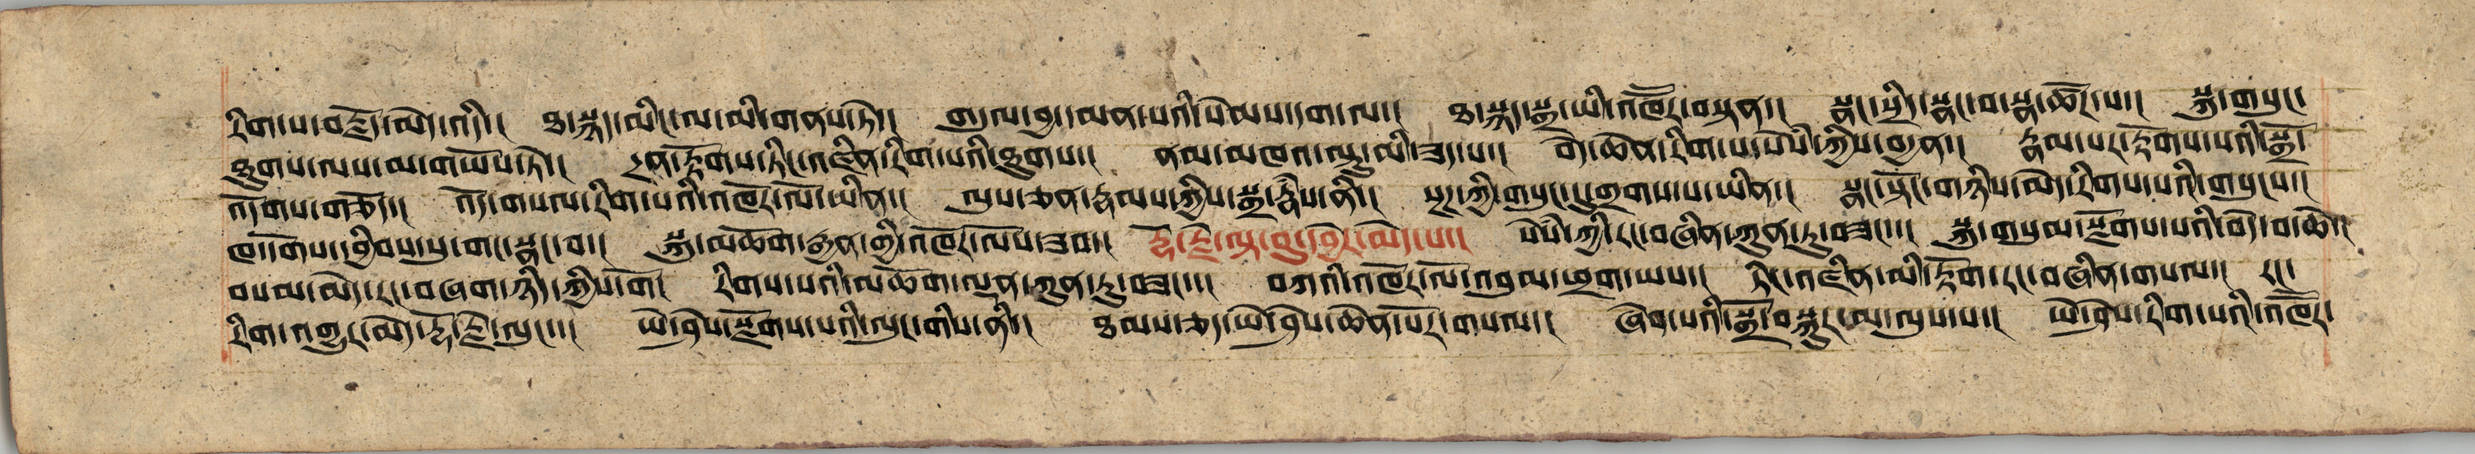རིག་པ་བརྗོད་མེད་འདི་། ཐ་སྙད་མིང་ལ་མི་གནས་ཏེ་། གདུལ་བྱ་དམན་པའི་སེམས་དག་ལ་། ཐ་སྙད་སྒྲ་ཡི་འཁཽར་བསྟན་། སྣང་སྲིད་སྣང་བ་སྣ་ཚོཌ་པ་། སྐུ་གསུང་
ཐུགས་ལས་མ་གཡོས་ཏེ་། དྲན་རྟོགས་ཏིང་འཛིན་རིག་པའི་ཐུགས་། ནམ་མཁའ་ལྟུ་མི་ཟད་པ་། བདེ་ཆེན་རིག་པ་སེཾས་ཀྱིས་བདྱན་། རྣམ་པར་རྟོགས་པའི་སྒྲོ་
འདོགས་གཅོད་། འོད་གསལ་རིག་པའི་འཁོར་ལོ་ཡིན་། ལུས་ཅན་རྣམས་ཀྱིས་སྒྲ་རྣཾས་ནི་། སྔཌ་ཀྱི་གསུང་དུ་གྲགས་པ་ཡིན་། སྣང་སྟོང་གཉིས་མེད་རིགས་པའི་གསུངས་།
ཁ་དོགས་དབྱིབས་སུ་གང་སྣང་བ་། སྐུ་མཆོག་རྒྱན་གྱི་འཁོར་ལོས་ཟབ་། རྡོ་རྗེ་ལྟ་བུ་དབྱེར་མེད་པ་། སེསཾ་ཀྱི་་རང་བཞིན་ཀུན་ཏུ་་བཟང་་། སྐུ་གསུམ་སྫོགས་པའི་བདེ་བ་ཆེ་།
བསམ་མེད་རང་བཞག་ཉིད་ཀྱིས་གོ། རིགས་པའི་མཆོག་ལྡན་ཀུན་ཏུ་བཟང་་། བཀའི་འཁོར་ལོ་འབུམ་ཕྲག་ཡས་། ཏིང་འཛིན་མི་རྟོག་རང་བཞིན་གསལ་། རང་
རིག་འགྱུར་མེད་རྡོ་རྗེ་ལུང་་། ཡེ་ཤེས་སྫོགས་པའི་ལུང་གིས་ནི་། ཐམས་ཅད་ཡེ་ཤེས་ཆེན་པོར་གསལ་། ཞེན་པའི་སྒྲོ་བསྐུར་མ་ལུས་པ་། ཡེ་ཤེས་རིག་པའི་འཁཽར་